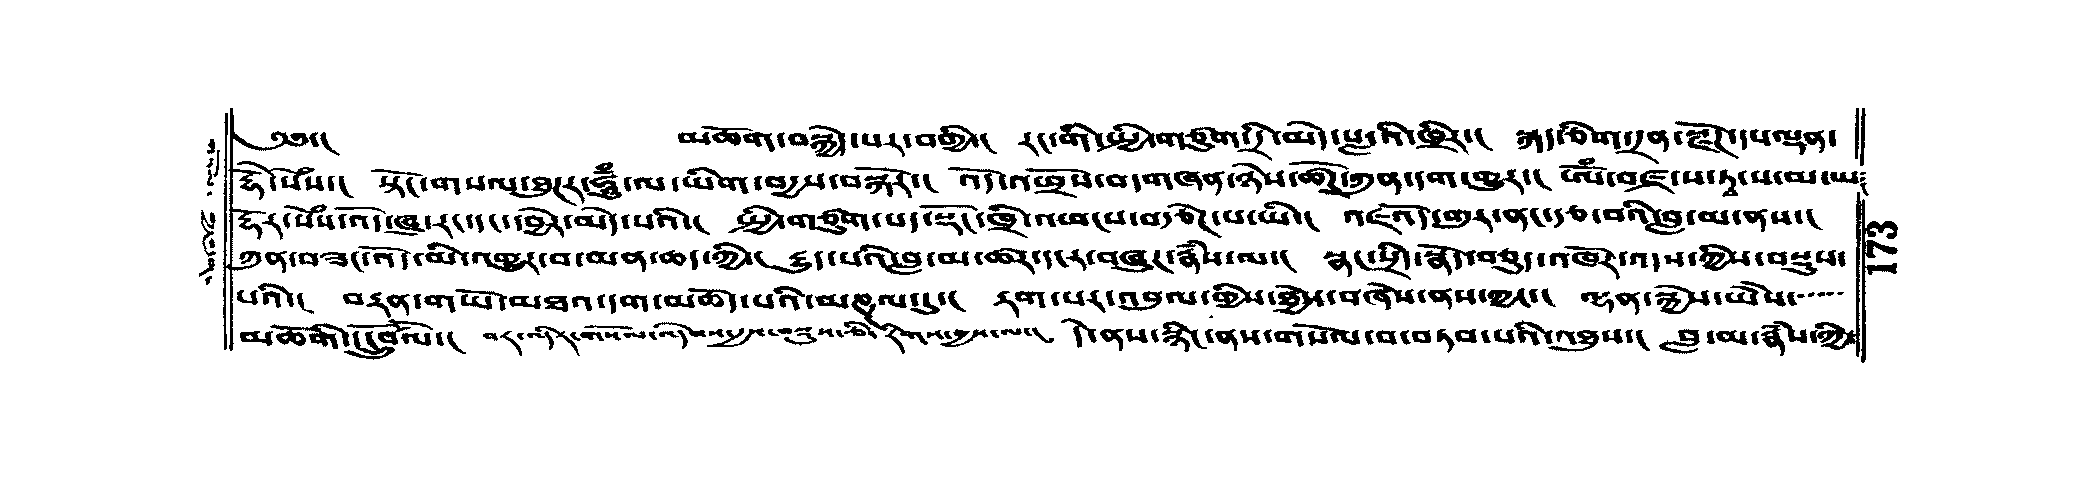མཆོག་བསྐྱེད་པར་བགྱི། །རང་གི་སྤྱི་གཙུག་དྲི་མེད་པད་ཟླའི་ཁྲིར། །སྐད་ཅིག་དྲན་རྫོགས་དཔལ་ལྡན་
རྡོ་རྗེ་སེམས། །སྟོང་གསལ་ཐུགས་ཀར་ཧཱུྃ་ལ་ཡིག་བརྒྱས་བསྐོར། །འོད་འཕྲོས་བདག་གཞན་ཉེས་ཚོགས་ཀུན་དག་གྱུར། ཨོཾ་བཛྲ་ས་ཏྭ་ས་མ་ཡ༴ 
རྡོར་སེམས་འོད་ཞུ་རང་དང་དབྱེར་མེད་པའི། །སྤྱི་གཙུག་པད་སྡོང་ཁྲི་འཕང་བརྩེགས་པ་ཡི། །འཇའ་འོད་གུར་ནང་རྩ་བའི་བླ་མ་ནས། །
ཀུན་བཟང་འོད་མི་འགྱུར་བ་མན་ཆད་ཀྱི། །རྒྱུད་པའི་བླ་མ་ཚར་དངར་བཞུགས་རྣམས་ལ། །སྣང་སྲིད་སྣོད་བཅུད་འཁོར་འདས་ཀྱིས་བསྡུས་
པའི། །བརྟན་གཡོ་མཐའ་དག་མཆོད་པའི་མཎྜལ་དུ། །རྟག་པར་འབུལ་གྱིས་ཐུགས་རྗེས་བཞེས་ནས་ཀྱང་། །ལྷན་སྐྱེས་ཡེ་ཤེས་
མཆོག་གི་དངོས་གྲུབ་སྩོལ། བར་འདིར་གསོལ་འདེབས་རྒྱས་བསྡུས་ཅི་རིགས་བྱས་ལ། དེ་ནས་སྙིང་ནས་གསོལ་བ་བཏབ་པའི་འཐུས། །བླ་མ་རྣམས་ཀྱི་